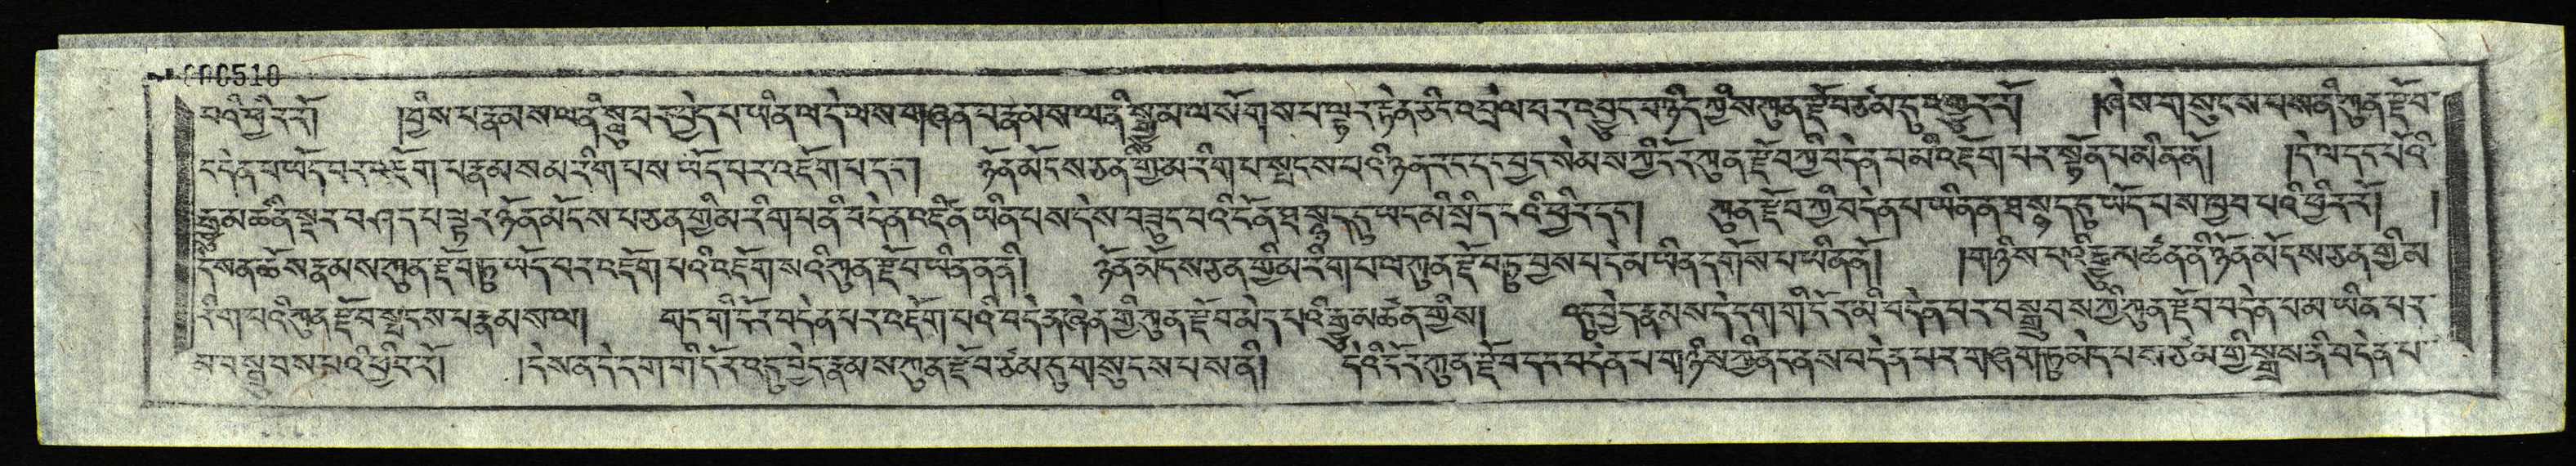པའི་ཕྱིར་རོ། །བྱིས་པ་རྣམས་ལ་ནི་སླུ་བར་བྱེད་པ་ཡིན་ལ་དེ་ལས་གཞན་པ་རྣམས་ལ་ནི་སྒྱུ་མ་ལ་སོགས་པ་ལྟར་རྟེན་ཅིང་འབྲེལ་བར་འབྱུང་བ་ཉིད་ཀྱིས་ཀུན་རྫོབ་ཙམ་དུ་འགྱུར་རོ། །ཞེས་གསུངས་པས་ནི་ཀུན་རྫོབ་
བདེན་པ་ཡོད་པར་འཇོག་པ་རྣམས་མ་རིག་པས་ཡོད་པར་འཇོག་པ་དང་། ཉོན་མོངས་ཅན་གྱི་མ་རིག་པ་སྤངས་པའི་ཉན་རང་དང་བྱང་སེམས་ཀྱི་ངོར་ཀུན་རྫོབ་ཀྱི་བདེན་པ་མི་འཇོག་པར་སྟོན་པ་མིན་ནོ། །དེ་ལ་དང་པོའི་
རྒྱུ་མཚན་ནི་སྔར་བཤད་པ་ལྟར་ཉོན་མོངས་པ་ཅན་གྱི་མ་རིག་པ་ནི་བདེན་འཛིན་ཡིན་པས་དེས་བཟུང་བའི་དོན་ཐ་སྙད་དུ་ཡང་མི་སྲིད་པའི་ཕྱིར་དང་། ཀུན་རྫོབ་ཀྱི་བདེན་པ་ཡིན་ན་ཐ་སྙད་དུ་ཡོད་པས་ཁྱབ་པའི་ཕྱིར་རོ། །
དེས་ན་ཆོས་རྣམས་ཀུན་རྫོབ་ཏུ་ཡོད་པར་འཇོག་པའི་འཇོག་སའི་ཀུན་རྫོབ་ཡིན་ན་ནི། ཉོན་མོངས་ཅན་གྱི་མ་རིག་པ་ལ་ཀུན་རྫོབ་ཏུ་བྱས་པ་དེ་མ་ཡིན་དགོས་པ་ཡིན་ནོ། །གཉིས་པའི་རྒྱུ་མཚན་ནི་ཉོན་མོངས་ཅན་གྱི་མ་
རིག་པའི་ཀུན་རྫོབ་སྤངས་པ་རྣམས་ལ། གང་གི་ངོར་བདེན་པར་འཇོག་པའི་བདེན་ཞེན་གྱི་ཀུན་རྫོབ་མེད་པའི་རྒྱུ་མཚན་གྱིས། འདུ་བྱེད་རྣམས་དེ་དག་གི་ངོར་མི་བདེན་པར་བསྒྲུབས་ཀྱི་ཀུན་རྫོབ་བདེན་པ་མ་ཡིན་པར་
མ་བསྒྲུབས་པའི་ཕྱིར་རོ། །དེས་ན་དེ་དག་གི་ངོར་འདུ་བྱེད་རྣམས་ཀུན་རྫོབ་ཙམ་དུ་གསུངས་པས་ནི། དེའི་ངོར་ཀུན་རྫོབ་དང་བདེན་པ་གཉིས་ཀྱི་ནང་ནས་བདེན་པར་གཞག་ཏུ་མེད་པས་ཙམ་གྱི་སྒྲས་ནི་བདེན་པ་